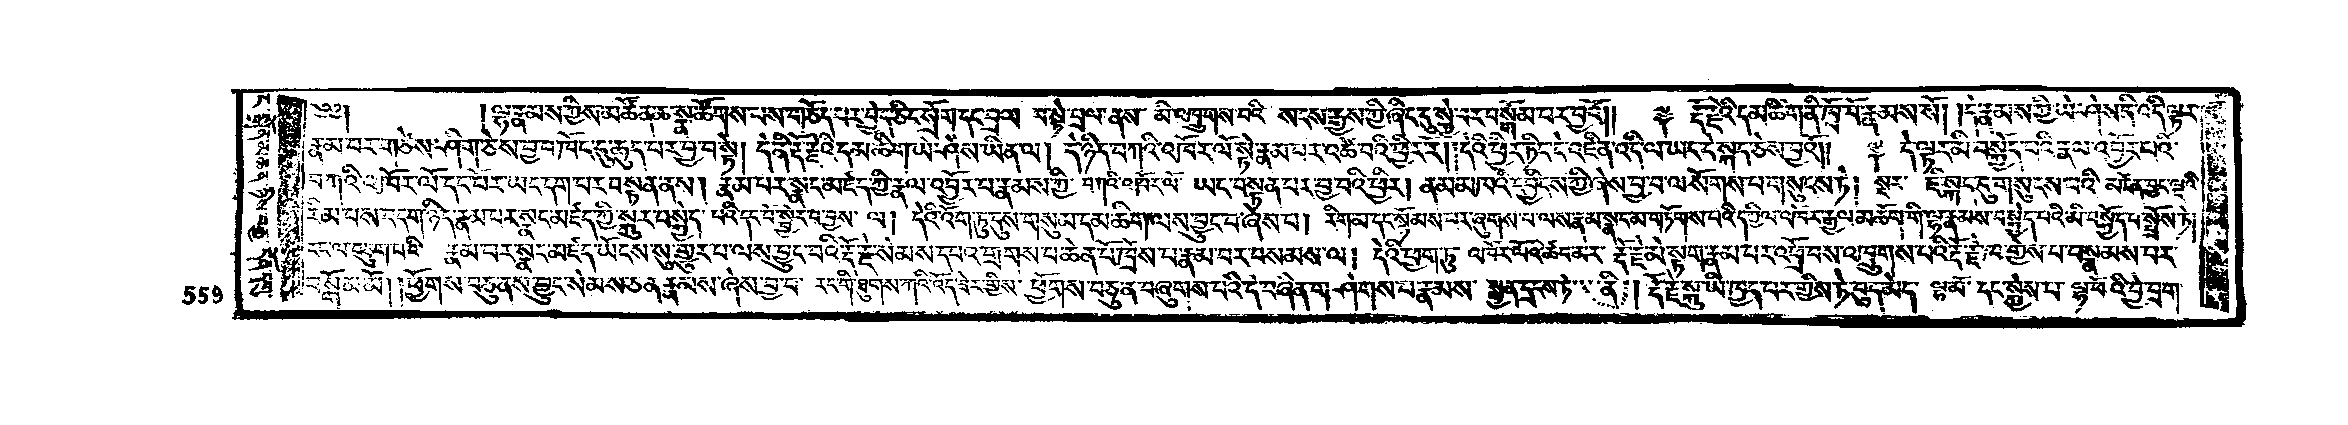༄༅། །ལྷ་རྣམས་ཀྱིས་མཚོན་ཆ་སྣ་ཚོགས་པས་གཅོད་པར་བྱེད་ཅིང་སྲོག་དང་བྲལ་བ་སྟེ་བྲལ་ནས་མི་འཁྲུགས་པའི་སངས་རྒྱས་ཀྱི་ཞིང་དུ་སྐྱེ་བར་བསྒོམ་པར་བྱའོ།། ༈ རྡོ་རྗེའི་དམ་ཚིག་ནི་ཁྲོ་བོ་རྣམས་སོ། །དེ་རྣམས་ཀྱི་ཡེ་ཤེས་ནི་འདི་ལྟར་
རྣམ་པར་བཙེས་ཤིག་ཅེས་བྱ་བ་ཁོང་དུ་ཆུད་པར་བྱ་བ་སྟེ། དེ་ནི་རྡོ་རྗེའི་དམ་ཚིག་ཡེ་ཤེས་ཡིན་ལ། དེ་ཉིད་བཀའི་འཁོར་ལོ་སྟེ་རྣམ་པར་འཚེ་བའི་ཕྱིར་རོ། །དེའི་ཕྱིར་ཏིང་ངེ་འཛིན་འདི་ལ་ཡང་དེ་སྐད་ཅེས་བྱའོ།། ༈ དེ་ལྟར་མི་བསྐྱོད་པའི་རྣལ་འབྱོར་པའི་
བཀའི་འཁོར་ལོ་དང་པོར་ཡང་དག་པར་བསྟན་ནས། རྣམ་པར་སྣང་མཛད་ཀྱི་རྣལ་འབྱོར་པ་རྣམས་ཀྱི་བཀའི་འཁོར་ལོ་ཡང་བསྟན་པར་བྱ་བའི་ཕྱིར། ནམ་མཁའི་དབྱིངས་ཀྱི་ཞེས་བྱ་བ་ལ་སོགས་པ་གསུངས་ཏེ། སྔར་ཇི་སྐད་དུ་གསུངས་པའི་མངོན་བྱང་ལྔའི་རིམ་པས་བདག་ཉིད་རྣམ་པར་སྣང་མཛད་ཀྱི་སྐུར་བསྐྱེད་པའི་དང་པོ་སྦྱོར་བ་བྱས་ལ། དེའི་འོག་ཏུ་དུས་གསུམ་དམ་ཚིག་ལས་བྱུང་བ་ཞེས་པ། རིག་མ་དང་སྙོམས་པར་ཞུགས་པ་ལས་རྣམ་སྣང་མ་གཏོགས་པའི་དཀྱིལ་འཁོར་རྒྱལ་མཆོག་གི་ལྷ་རྣམས་བསྐྱེད་པའི་མི་བསྐྱོད་པ་སྤྲོས་ཏེ།
རང་ལ་བཅུག་པའི་རྣམ་པར་སྣང་མཛད་ཡོངས་སུ་གྱུར་པ་ལས་བྱུང་བའི་རྡོ་རྗེ་སེམས་དཔའ་གྲགས་པ་ཆེན་པོ་ཁྲོས་པ་རྣམ་པར་བསམས་ལ། དེའི་ཕྱག་ཏུ་འཁོར་ལོའི་ཚབ་མར་རྡོ་རྗེ་མེ་སྟག་རྣམ་པར་འཕྲོ་བས་འཁྲུགས་པའི་རྡོ་རྗེ་ཁ་གྱེས་པ་བསྣམས་པར་
བསྒོམ་མོ། །ཕྱོགས་བཅུ་ནས་བྱུང་སེམས་ཅན་རྣམས་ཞེས་བྱ་བ་རང་གི་ཐུགས་ཀའི་འོད་ཟེར་གྱིས་ཕྱོགས་བཅུ་ན་བཞུགས་པའི་དེ་བཞིན་གཤེགས་པ་རྣམས་སྤྱན་དྲངས་ཏེ་ནི། རྡོ་རྗེ་སྐུ་ཡི་ཁྱད་པར་གྱིས་ཏེ་བུད་མེད་ལྷ་མོ་དང་སྐྱེས་པ་ལྷ་ཕོའི་བྱེ་བྲག་